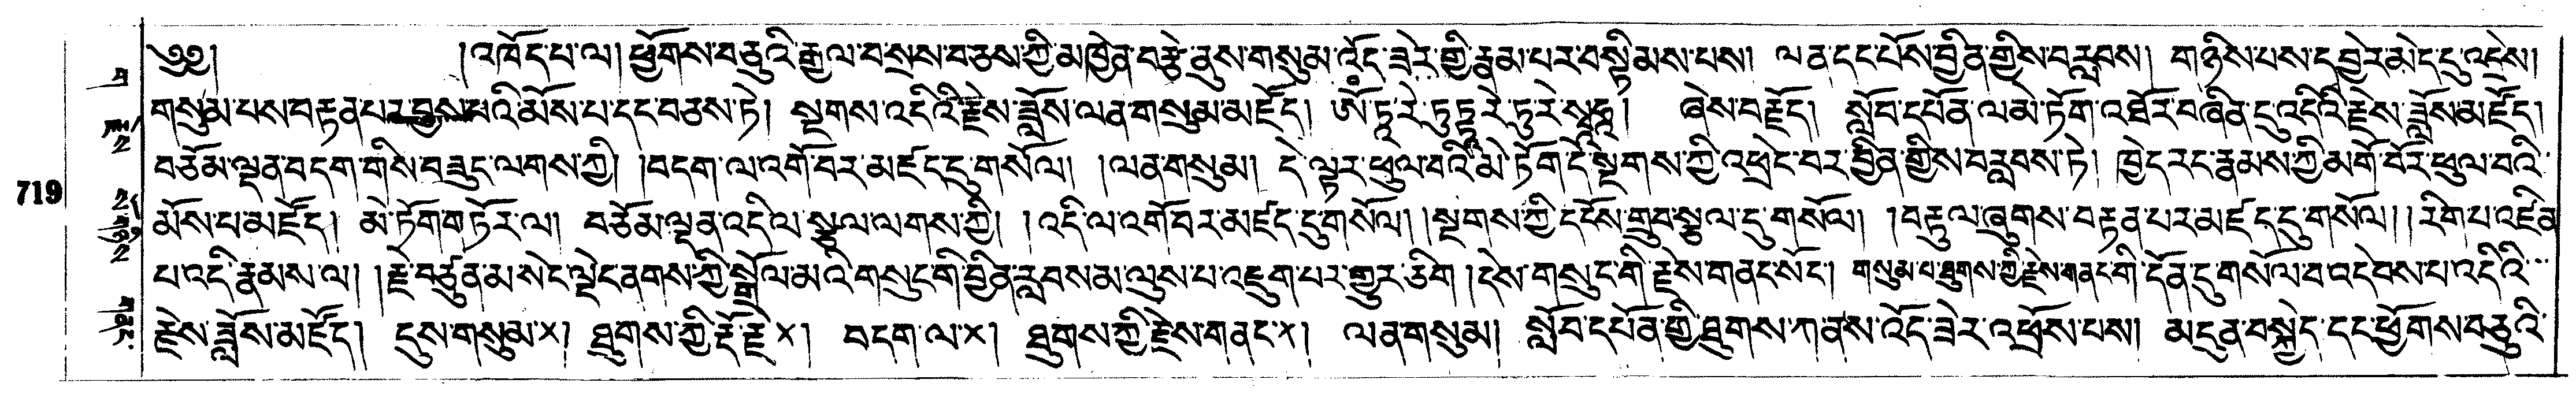༄༅། །འཁོད་པ་ལ། ཕྱོགས་བཅུའི་རྒྱལ་བ་སྲས་བཅས་ཀྱི་མཁྱེན་བརྩེ་ནུས་གསུམ་འོད་ཟེར་གྱི་རྣམ་པར་བསྟིམས་པས། ལན་དང་པོས་བྱིན་གྱིས་བརླབས། གཉིས་པས་དབྱེར་མེད་དུ་འདྲེས།
གསུམ་པས་བརྟན་པར་བྱས་པའི་མོས་པ་དང་བཅས་ཏེ། སྔགས་འདིའི་རྗེས་ཟློས་ལན་གསུམ་མཛོད། ཨོཾ་ཏཱ་རེ་ཏུཏྟཱ་རེ་ཏུ་རེ་སྭཱཧཱ། ཞེས་བརྗོད། སློབ་དཔོན་ལ་མེ་ཏོག་འཐོར་བཞིན་དུ་འདིའི་རྗེས་ཟློས་མཛོད།
བཅོམ་ལྡན་བདག་གིས་བཟུང་ལགས་ཀྱི། །བདག་ལ་འགོ་བར་མཛད་དུ་གསོལ། །ལན་གསུམ། དེ་ལྟར་ཕུལ་བའི་མེ་ཏོག་དེ་སྔགས་ཀྱི་འཕྲེང་བར་བྱིན་གྱིས་བརླབས་ཏེ། ཁྱེད་རང་རྣམས་ཀྱི་མགོ་བོར་ཕུལ་བའི་
མོས་པ་མཛོད། མེ་ཏོག་གཏོར་ལ། བཅོམ་ལྡན་འདི་ལ་སྩལ་ལགས་ཀྱི། །འདི་ལ་འགོ་བར་མཛད་དུ་གསོལ། །སྔགས་ཀྱི་དངོས་གྲུབ་སྩལ་དུ་གསོལ། །བརྟུལ་ཞུགས་བརྟན་པར་མཛད་དུ་གསོལ། །རིག་པ་འཛིན་
པ་འདི་རྣམས་ལ། །རྗེ་བཙུན་མ་སེང་ལྡེང་ནགས་ཀྱི་སྒྲོལ་མའི་གསུང་གི་བྱིན་རླབས་མ་ལུས་པ་འཇུག་པར་གྱུར་ཅིག །དེས་གསུང་གི་རྗེས་གནང་སོང་། གསུམ་པ་ཐུགས་ཀྱི་རྗེས་གནང་གི་དོན་དུ་གསོལ་བ་འདེབས་པ་འདིའི་
རྗེས་ཟློས་མཛོད། དུས་གསུམ་྾། ཐུགས་ཀྱི་རྡོ་རྗེ་྾། བདག་ལ་྾། ཐུགས་ཀྱི་རྗེས་གནང་྾། ལན་གསུམ། སློབ་དཔོན་གྱི་ཐུགས་ཀ་ནས་འོད་ཟེར་འཕྲོས་པས། མདུན་བསྐྱེད་དང་ཕྱོགས་བཅུའི་